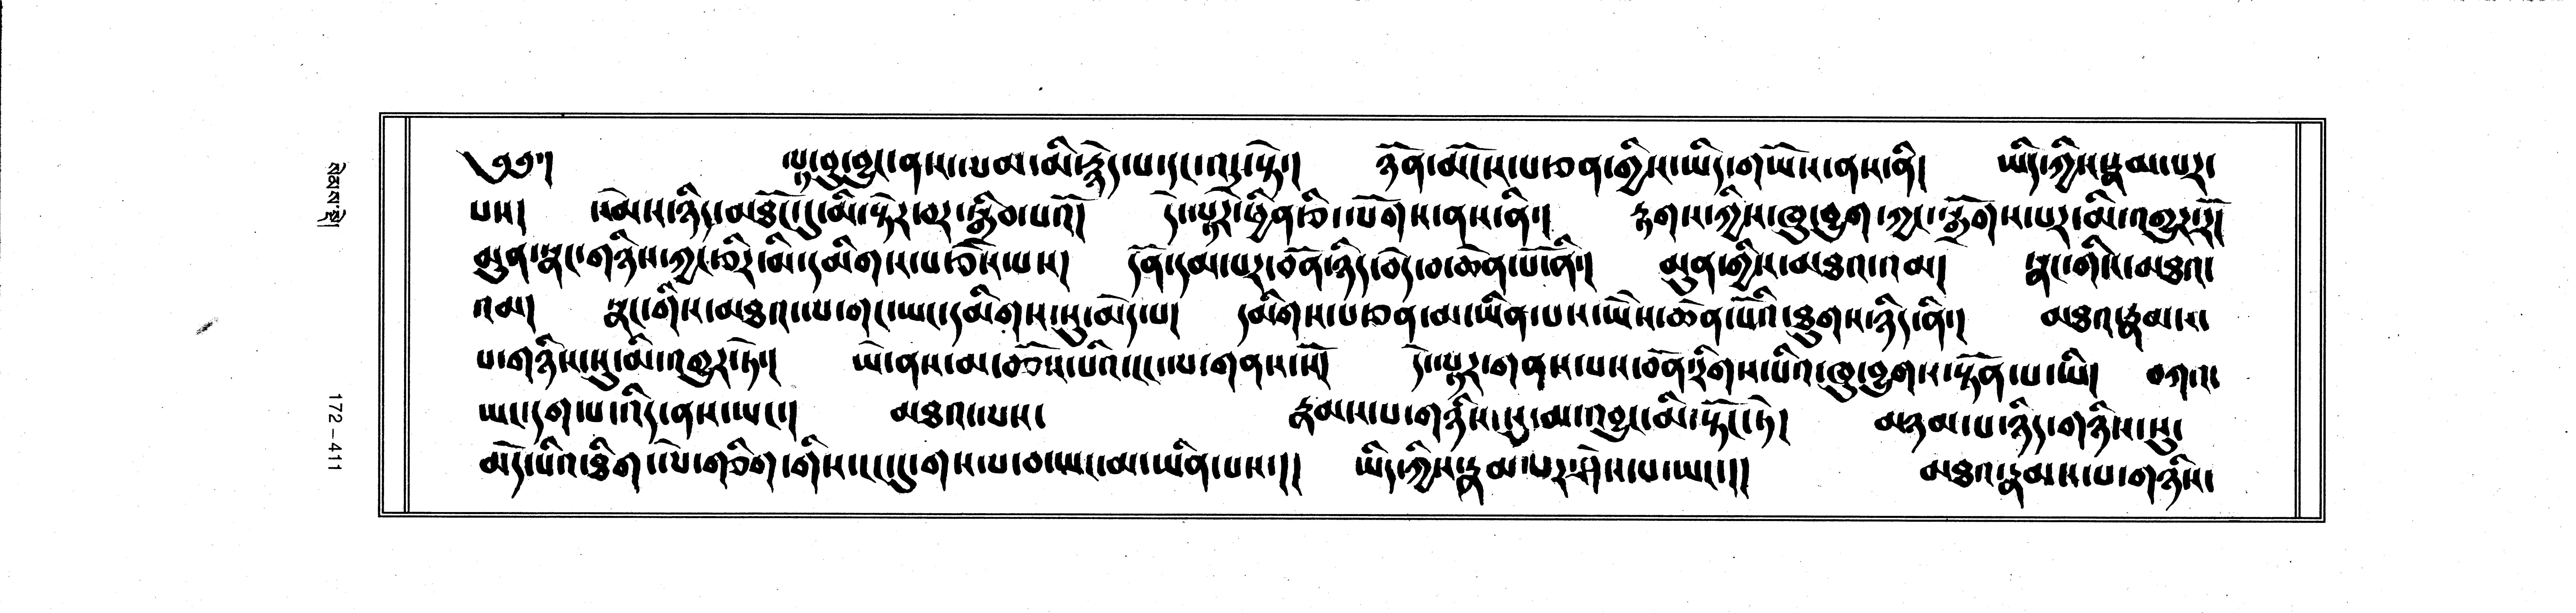ལྟ་བུ་བྱུང་ནས་ལམ་མི་རྙེད་པ་དང་འདྲ་སྟེ། ཉོན་མོངས་པ་ཅན་གྱིས་ཡིད་གཡོས་ནས་ནི། ཡིད་ཀྱིས་རྣམ་པར་ཤེས་
པས། སེམས་ཉིད་མཐོང་དུ་མི་སྟེར་བར་སྒྲིབ་པའོ། དེ་ལྟར་ཕྱིན་ཅི་ལོག་ནས་ནི། རྟགས་ཀྱིས་ཁུ་བྱུག་ཀྱང་སྒྲོགས་པར་མི་འགྱུར་རོ། 
མུན་སྣང་གཉིས་ཀྱང་ཅིར་མི་དམིགས་པ་ཅེས་པས། དོན་དམ་པར་བོན་ཉིད་བདེ་བ་ཆེན་པོ་ནི། མུན་གྱིས་མཐའ་འམ། སྣང་གིས་མཐའ་
འམ། སྣང་གིས་མཐའ་ལ་གང་ཡང་དམིགས་སུ་མེད་པ། དམིགས་པ་ཅན་མ་ཡིན་པས་ཡེ་ཤེས་ཆེན་པོའི་ཐུགས་ཉིད་ནི། མཐའ་རྣམ་
པ་གཉིས་སུ་མི་འགྱུར་ཏེ། ཡེ་ནས་མ་བཅོས་པའི་ངང་ལ་གནས་སོ། དེ་ལྟར་གནས་པས་བོན་རིག་པའི་ཁུ་བྱུགས་སྟོན་པ་ཡི། བཀའ་
ཡང་དག་པ་འདི་ནས་ཡང་མཐའ་ལས་རྣམ་པ་གཉིས་སུ་མ་འབྱུང་མི་སྟོང་ཏེ། མཉམ་པ་ཉིད་གཉིས་སུ་
མེད་པའི་ཐིག་ལེ་གཅིག་གིས་ངང་དུ་གསལ་བ་ཡང་མ་ཡིན་པས། ཡིད་ཀྱིས་རྣམ་པར་ཤེས་པ་ཡང་། མཐའ་རྣམ་པ་གཉིས་